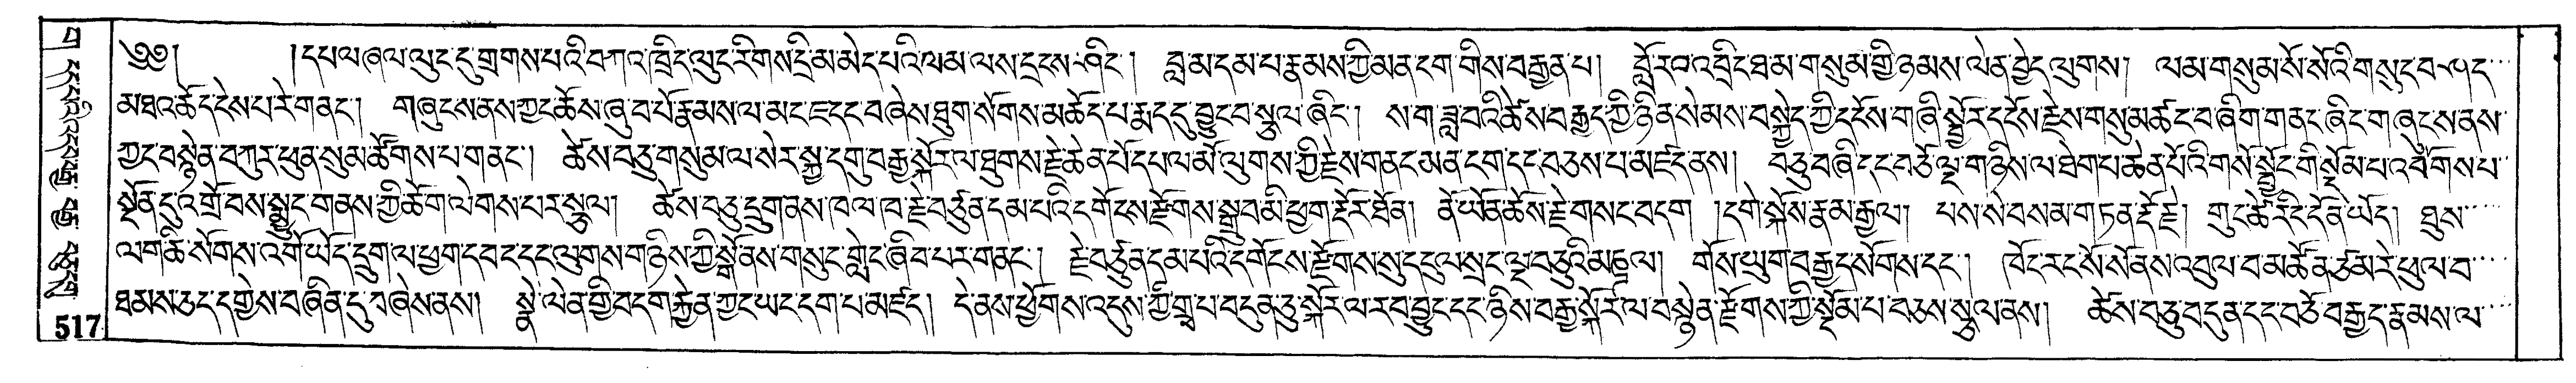༄༅། །དཔལ་ཞལ་ལུང་དུ་གྲགས་པའི་བཀའ་ཁྲིད་ལུང་རིགས་དྲི་མ་མེད་པའི་ལམ་ལས་དྲངས་ཤིང་། བླ་མ་དམ་བ་རྣམས་ཀྱི་མན་ངག་གིས་བརྒྱན་པ། བློ་རབ་འབྲིང་ཐམ་གསུམ་གྱི་ཉམས་ལེན་བྱེད་ལུགས། ལམ་གསུམ་སོ་སོའི་གསུང་བཤད་
མཐའ་ཆོད་ངེས་བ་རེ་གནང་། གཞུང་ས་ནས་ཀྱང་ཆོས་ཞུ་བ་པོ་རྣམས་ལ་མང་ཇ་དང་བཞེས་ཐུག་སོགས་མཆོད་པ་རྨད་དུ་བྱུང་བ་སྩལ་ཞིང་། ས་ག་ཟླ་བའི་ཚེས་བརྒྱད་ཀྱི་ཉིན་སེམས་བསྐྱེད་ཀྱི་དངོས་གཞི་སྦྱོར་དངོས་རྗེས་གསུམ་ཚང་བ་ཞིག་གནང་ཞིང་གཞུང་ས་ནས་
ཀྱང་བསྙེན་བཀུར་ཕུན་སུམ་ཚོགས་པ་གནང་། ཚེས་བཅུ་གསུམ་ལ་སེར་སྐྱ་དགུ་བརྒྱ་སྐོར་ལ་ཐུགས་རྗེ་ཆེན་པོ་དཔལ་མོ་ལུགས་ཀྱི་རྗེས་གནང་མན་ངག་དང་བཅས་པ་མཛད་ནས། བཅུ་བཞི་དང་བཅོ་ལྔ་གཉིས་ལ་ཐེག་བ་ཆེན་པོའི་གསོ་སྦྱོང་གི་སྡོམ་པ་འབོགས་པ་
སྔོན་དུ་འགྲོ་བས་སྨྱུང་གནས་ཀྱི་ཆོ་ག་ལེགས་པར་སྩལ། ཚེས་བཅུ་དྲུག་ནས་ཁལ་ཁ་རྗེ་བཙུན་དམ་པའི་དགོངས་རྫོགས་སྒྲུབ་མི་ཕྱག་རྡོར་ཐོན། ནོ་ཡོན་ཆོས་རྗེ་གསངས་བདག །དགེ་སྐོས་རྣམ་རྒྱལ། པས་སེ་བསམ་གཏན་རྡོ་རྗེ། གུང་ཚེ་རིང་དོན་ཡོད། ཐུ་ས་
ལག་ཆི་སོགས་འགོ་ཡོད་དྲུག་ལ་ཕྱག་དབང་དང་ལུགས་གཉིས་ཀྱི་སྒོ་ནས་གསུང་གླེང་ཞིབ་བར་གནང་། རྗེ་བཙུན་དམ་པའི་དགོངས་རྫོགས་སུ་དངུལ་སྲང་ལྔ་བཅུའི་མཎྜལ། གོས་ཡུག་བརྒྱད་སོགས་དང་། ཁོང་རང་སོ་སོ་ནས་འབུལ་བ་མཚོན་ཙམ་རེ་ཕུལ་བ་
ཐམས་ཅད་དགྱེས་བཞིན་དུ་བཞེས་ནས། སྣེ་ལེན་གྱི་བདག་རྐྱེན་ཀྱང་ཡང་དག་པ་མཛད། དེ་ནས་ཕྱོགས་འདུས་ཀྱི་གྲྭ་པ་བདུན་ཅུ་སྐོར་ལ་རབ་བྱུང་དང་ཉིས་བརྒྱ་སྐོར་ལ་བསྙེན་རྫོགས་ཀྱི་སྡོམ་པ་བཅས་སྩལ་ནས། ཚེས་བཅུ་བདུན་དང་བཅོ་བརྒྱད་རྣམས་ལ་